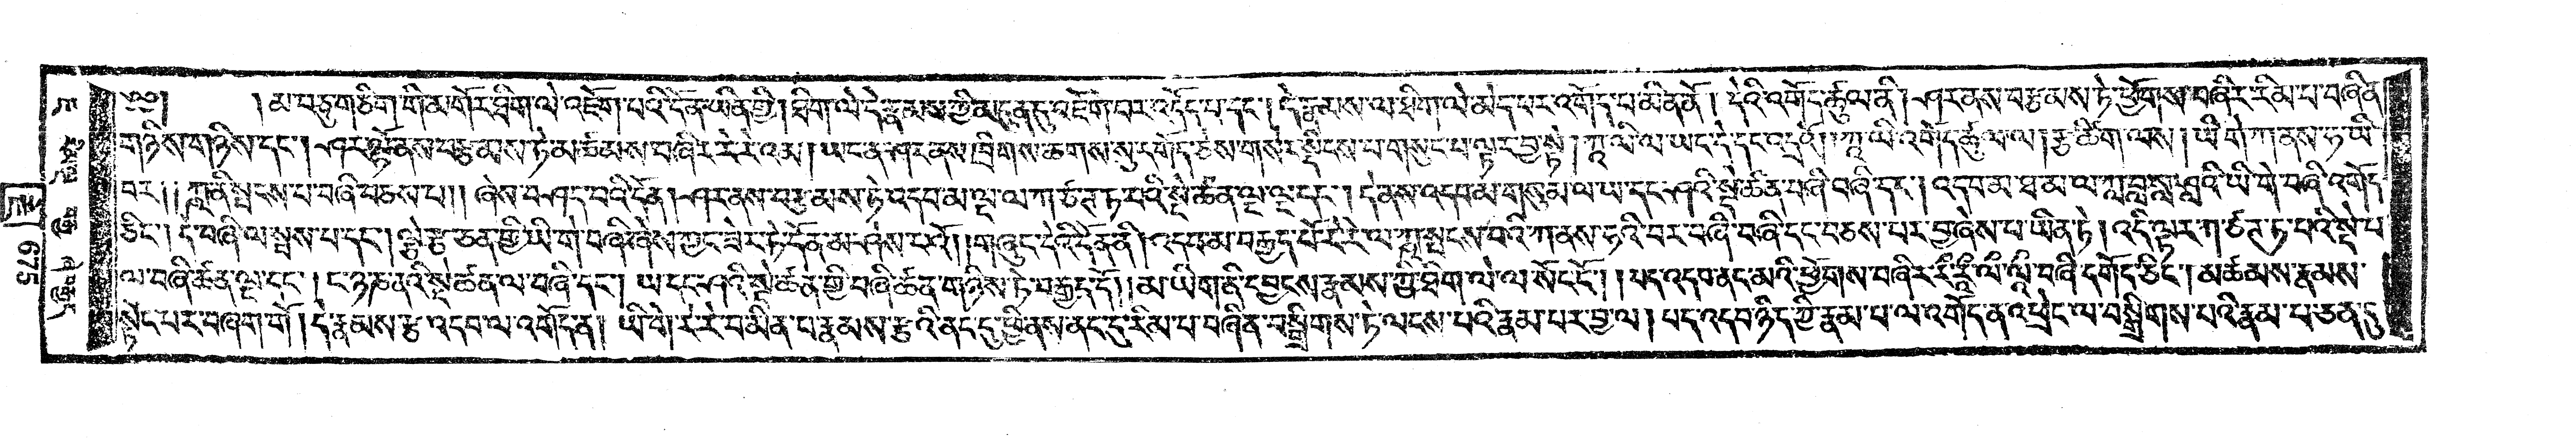༄༅། །མ་བཅུ་གཅིག་གི་མགོར་ཐིག་ལེ་འཇོག་པའི་དོན་ཡིན་གྱི། ཐིག་ལེ་དེ་རྣམས་ཀྱི་མདུན་དུ་འཇོག་པར་འདོད་པ་དང་། དེ་རྣམས་ལ་ཐིག་ལེ་མེད་པར་འགོད་པ་མིན་ནོ། །དེའི་འགོད་ཚུལ་ནི། ཤར་ནས་བརྩམས་ཏེ་ཕྱོགས་བཞིར་རིམ་པ་བཞིན་
གཉིས་གཉིས་དང་། ཤར་ལྷོ་ནས་བརྩམས་ཏེ་མཚམས་བཞིར་རེ་རེ་འམ། ཡང་ན་ཤར་ནས་ཁྲིགས་ཆགས་སུ་དགོད་ཅེས་གསེར་སྡིངས་པ་གསུང་པ་ལྟར་བྱ་སྟེ། ཀཱ་ལི་ལ་ཡང་དེ་དང་འདྲའོ། །ཀཱ་ལི་འགོད་ཚུལ་ལ། རྩ་ཚིག་ལས། ཡི་གེ་ཀ་ནས་ཧ་ཡི་
བར། །ཀྵ་ནི་སྤངས་པ་བཞི་བཅས་པ། །ཞེས་བཤད་པའི་དོན། ཤར་ནས་བརྩམས་ཏེ་འདབ་མ་ལྔ་ལ་ཀ་ཙ་ཊ་ཏ་པའི་སྡེ་ཚན་ལྔ་ལྔ་དང་། དེ་ནས་འདབ་མ་གསུམ་ལ་ཡ་དང་ཤའི་སྡེ་ཚན་བཞི་བཞི་དང་། འདབ་མ་ཐ་མ་ལ་ཀླ་བླ་སླ་ཤླའི་ཡི་གེ་བཞི་འགོད་
ཅིང་།དེ་བཞི་ལ་སྦས་པ་དང་། ལྕེ་རྩ་ཅན་གྱི་ཡི་གེ་བཞི་ཞེས་ཀྱང་ཟེར་ཏེ་དོན་མ་ཤེས་པའོ། །གཞུང་དེའི་དོན་ནི། འདབ་མ་བརྒྱད་པོ་རེ་རེ་ལ་ཀྵ་སྤངས་པའི་ཀ་ནས་ཧའི་བར་བཞི་བཞི་དང་བཅས་པར་བྱ་ཞེས་པ་ཡིན་ཏེ། འདི་ལྟར་ཀ་ཙ་ཊ་ཏ་པའི་སྡེ་པ་
ལ་བཞི་ཚན་ལྔ་དང་། ང་ཉ་ཎ་ནའི་སྡེ་ཚན་ལ་བཞི་དང་། ཡ་དང་ཤའི་སྡེ་ཚན་གྱི་བཞི་ཚན་གཉིས་ཏེ་བརྒྱད་དོ། །མ་ཡིག་ནི་དབྱངས་རྣམས་ཀྱི་ཐིག་ལེ་ལ་སོང་ངོ། །པད་འདབ་ནང་མའི་ཕྱོགས་བཞིར་རྀ་རཱྀ་ལྀ་ལཱྀ་བཞི་དགོད་ཅིང་། མཚམས་རྣམས་
སྟོང་པར་བཞག་གོ །དེ་རྣམས་རྩ་འདབ་ལ་འགོད་ན། ཡི་གེ་རེ་རེ་བ་མིན་པ་རྣམས་རྩའི་ནང་དུ་ཕྱི་ནས་ནང་དུ་རིམ་པ་བཞིན་བསྒྲིགས་ཏེ་ལངས་པའི་རྣམ་པར་བྱ་ལ། པད་འདབ་ཉིད་ཀྱི་རྣམ་པ་ལ་འགོད་ན་འཕྲེང་ལ་བསྒྲིགས་པའི་རྣམ་པ་ཅན་དུ་